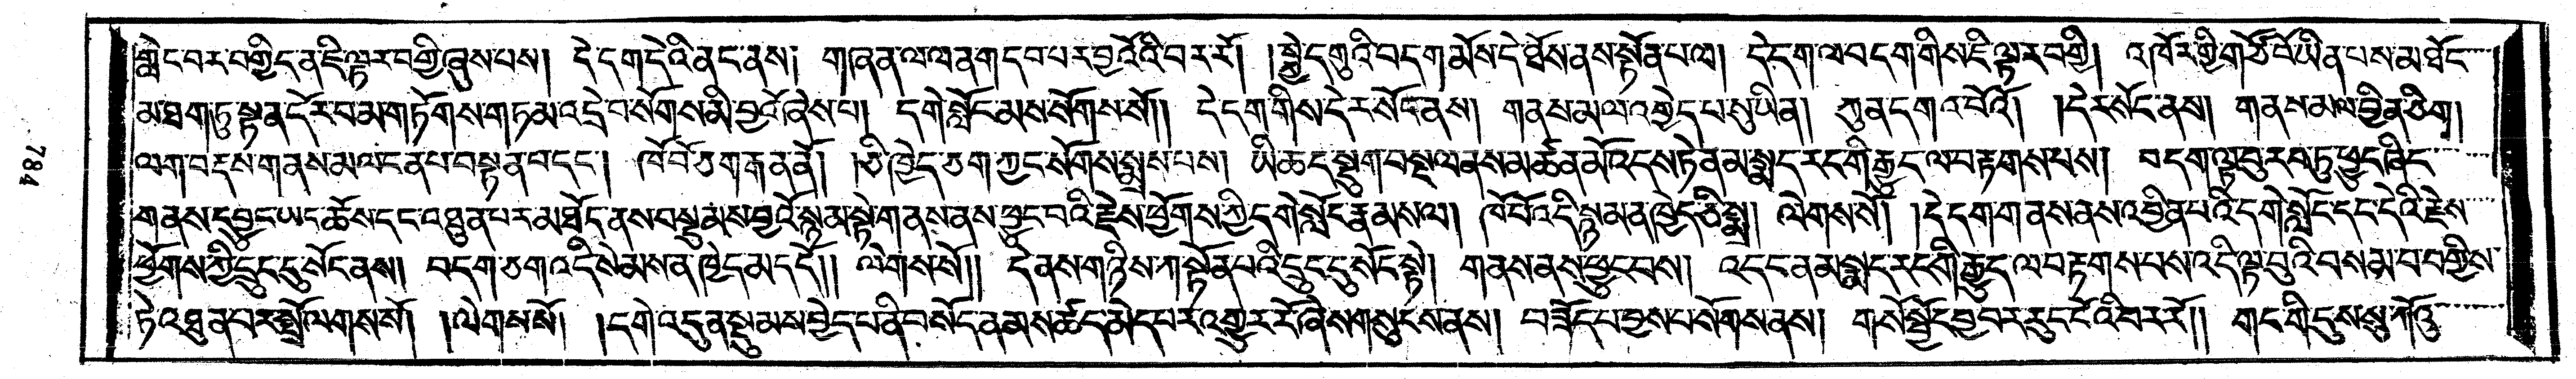གླེང་བར་བགྱིད་ན་ཇི་ལྟར་བགྱི་ཞུས་པས། དེ་དག་དེའི་ནང་ནས༑ གཞན་ལ་ལན་གདབ་པར་བྱའོའི་བར་རོ། །སྐྱེ་དགུའི་བདག་མོས་དེ་ཐོས་ནས་སྟོན་པ་ལ། དེ་དག་ལ་བདག་གིས་ཇི་ལྟར་བགྱི། འཁོར་གྱི་གཙོ་བོ་ཡིན་པས་མཐོང་
མ་ཐག་ཏུ་སྟན་དོར་བ་མ་གཏོགས་གཏམ་འདྲེ་བ་སོགས་མི་བྱའོ་ཞེས་པ། དགེ་སློང་མས་སོགས་སོ།། དེ་དག་གིས་དེར་སོང་ནས། གནས་མལ་འགྱེད་པ་སུ་ཡིན། ཀུན་དགའ་བོའོ། །དེར་སོང་ནས། གནས་མལ་བྱིན་ཅིག།
ལག་བརྡས་གནས་མལ་ངན་པ་བསྟན་པ་དང་། ཁོ་བོ་ཅག་རྒན་ནོ། །ཅི་ཁྱེད་ཅག་ཀྱང་སོགས་སྨྲས་པས། ཡི་ཆད་སྡུག་བསྔལ་ནས་མཚན་མོ་འདས་ཏེ་ནམ་སྨད་རང་གི་རྒྱུད་ལ་བརྟགས་པས། བདག་ལྟ་བུ་རབ་ཏུ་ཕྱུང་ཞིང་
གནས་དབྱུང་ཡང་ཆོས་དང་འཐུན་པར་མཐོང་ནས་བསྡུམས་བྱའོ་སྙམ་སྟེ་གནས་ནས་ཕྱུང་བའི་རྗེས་ཕྱོགས་ཀྱི་དགེ་སློང་རྣམས་ལ། ཁོ་བོ་འདི་སྙམ་ན་ཁྱེད་ཅི་སྨྲ། ལེགས་སོ། །དེ་དག་གནས་ནས་འབྱིན་པའི་དགེ་སློང་དང་དེའི་རྗེས་
ཕྱོགས་ཀྱི་དྲུང་དུ་སོང་ནས། བདག་ཅག་འདི་སེམས་ན་ཁྱེད་མད་དོ།། ལེགས་སོ།། དེ་ནས་གཉིས་ཀ་སྟོན་པའི་དྲུང་དུ་སོང་སྟེ། གནས་ནས་ཕྱུང་བས། འདང་ནམ་སྨད་རང་གི་རྒྱུད་ལ་བརྟགས་པས་འདི་ལྟ་བུའི་བསམ་པ་བགྱིས་
ཏེ་འཐུན་པར་སྤྲོ་ལགས་སོ། །ལེགས་སོ། །དགེ་འདུན་སྡུམས་བྱེད་པ་ནི་བསོད་ནམས་ཚད་མེད་པར་འགྱུར་རོ་ཞེས་གསུངས་ནས། བཟོད་པ་བྱས་པ་སོགས་ནས། གསོ་སྦྱོང་བྱ་བར་རུང་ངོའི་བར་རོ།། གང་གི་དུས་སུ་ཀོའུ་